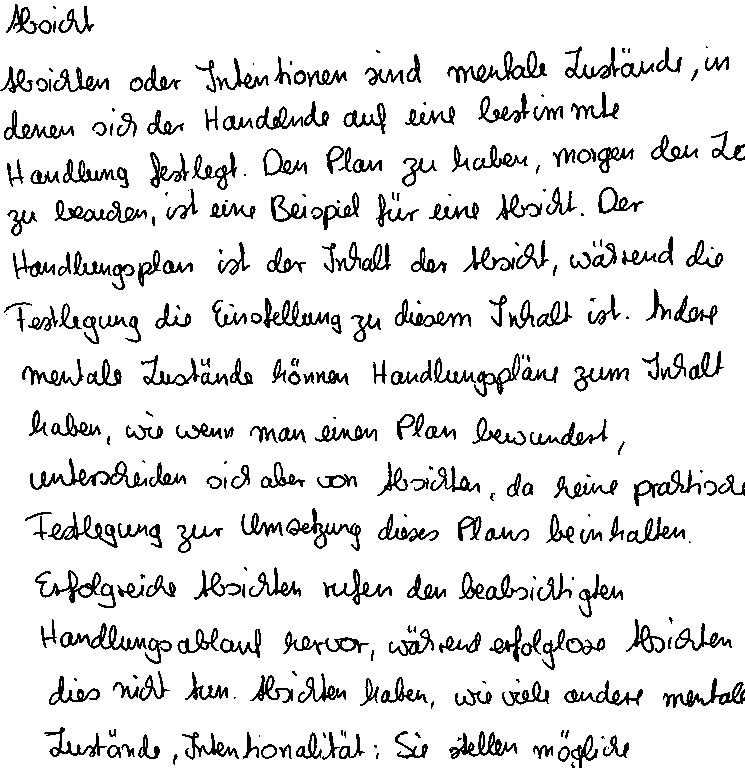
Absichten oder Intentionen sind mentale Zustände, in
denen sich der Handelnde auf eine bestimmte
Handlung festlegt. Den Plan zu haben, morgen den
zu besuchen, ist ein Beispiel für eine Absicht. Der
Handlungsplan ist der Inhalt der Absicht, während die
Festlegung die Einstellung zu diesem Inhalt ist. Andere
mentale Zustände können Handlungspläne zum Inhalt
haben, wie wenn man einen Plan bewundert,
unterscheiden sich aber von Absichten. da keine praktische
Festlegung zur Umsetzung dieses Plans beinhalten.
Erfolgreiche Absichten rufen den beabsichtigten
Handlungsablauf hervor, während erfolglose Absichten
dies nicht tun. Absichten haben, wie viele andere mentale
Zustände, Intentionalität: Sie stellen mögliche
